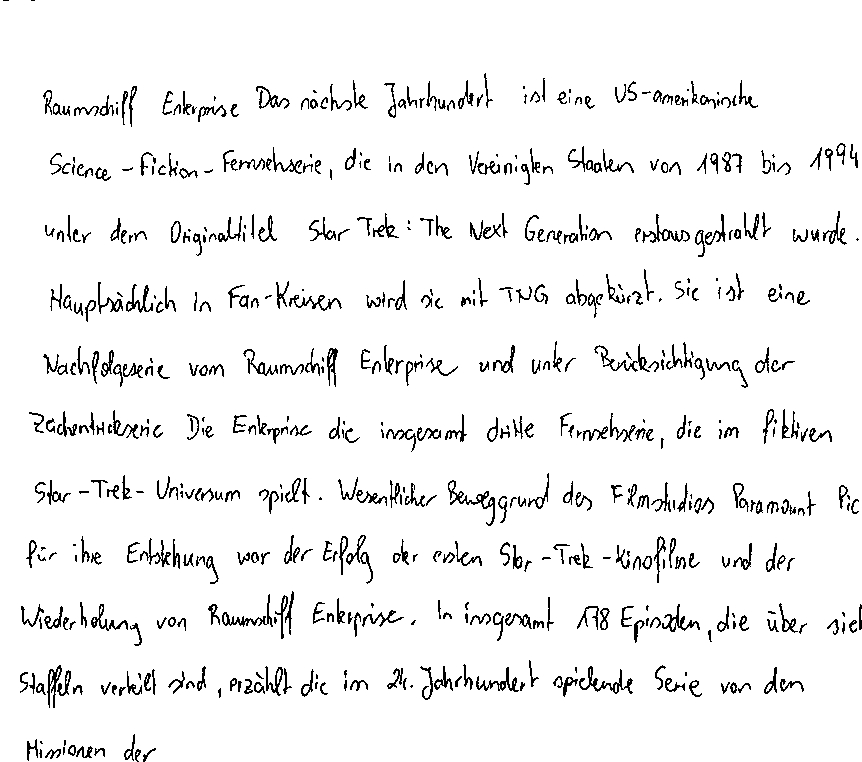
Raumschiff Enterprise Das nächste Jahrhundert ist eine US-amerikanische
Science-Fiction-Fernsehserie, die in den Vereinigten Staaten von 1987 bis 1994
unter dem Originaltitel Star Trek: The Next Generation erstausgestrahlt wurde.
Hauptsächlich in Fan-Kreisen wird sie mit TNG abgekürzt. Sie ist eine
Nachfolgeserie von Raumschiff Enterprise und unter Berücksichtigung der
Zeichentrickserie Die Enterprise die insgesamt dritte Fernsehserie, die im fiktiven
Star-Trek-Universum spielt. Wesentlicher Beweggrund des Filmstudios Paramount Pic
für ihre Entstehung war der Erfolg der ersten Star-Trek-Kinofilme und der
Wiederholungen von Raumschiff Enterprise. In insgesamt 178 Episoden, die über
Staffeln verteilt sind, erzählt die im 24. Jahrhundert spielende Serie von den
Missionen der
